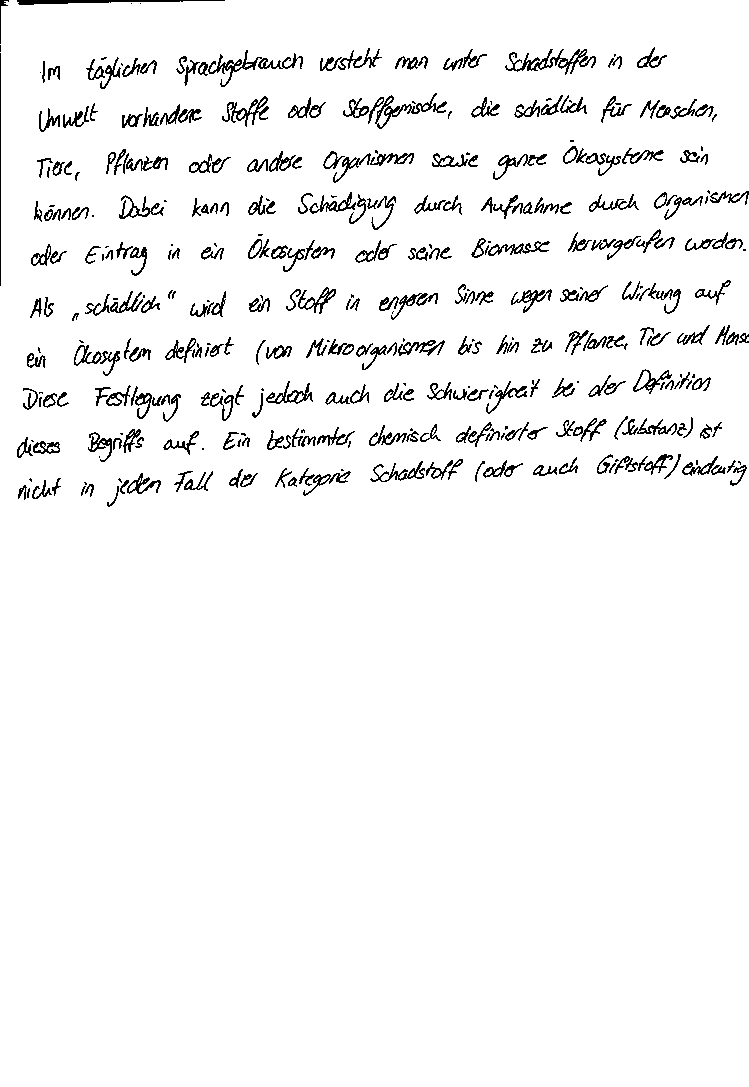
Im täglichen Sprachgebrauch versteht man unter Schadstoffen in der
Umwelt vorhandene Stoffe oder Stoffgemische, die schädlich für Menschen,
Tiere, Pflanzen oder andere Organismen sowie ganze Ökosysteme sein
können. Dabei kenn die Schädigung durch Aufnahme durch Organismen
oder Eintrag in ein Ökosystem oder seine Biomasse hervorgerufen werden.
Als "schädlich" wird ein Stoff in engerem Sinne wegen seiner Wirkung auf
ein Ökosystem definiert (von Mikroorganismen bis hin zu Pflanze, Tier und
Diese Festlegung zeigt jedoch auch die Schwierigkeit bei der Definition
dieses Begriffes auf. Ein bestimmter, chemisch definierter Stoff (Substanz) ist
nicht in jedem Fall der Kategorie Schadstoff (oder auch Giftstoff) eindeutig
